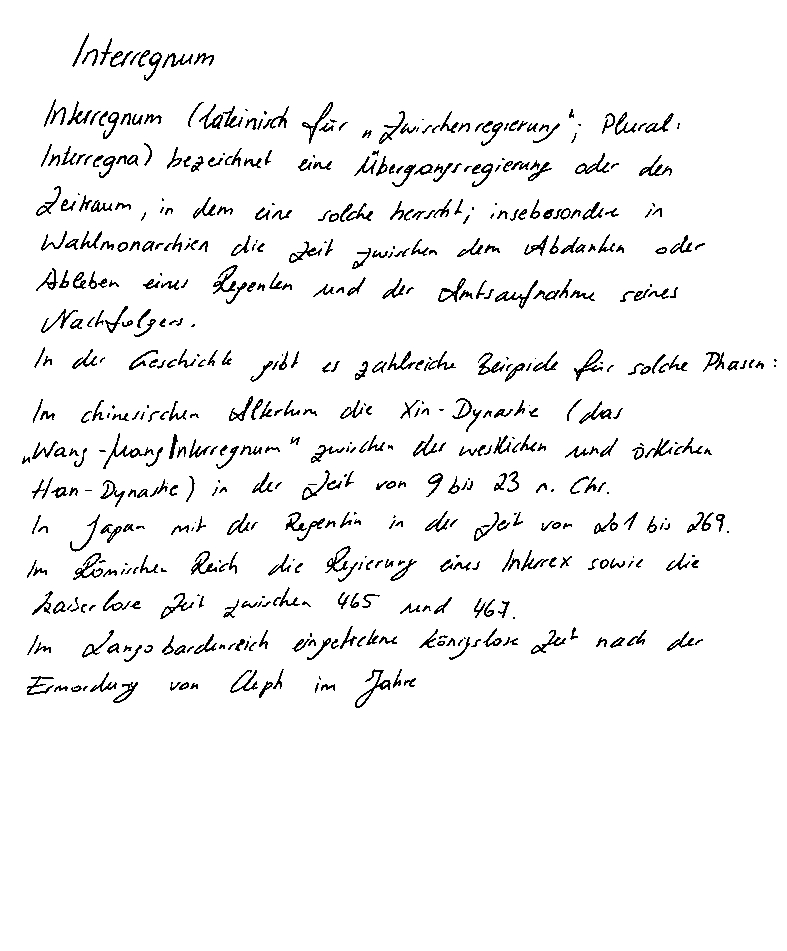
Interregnum
Interregnum (lateinisch für "Zwischenregierung"; Plural:
Interregna) bezeichnet eine Übergangsregierung oder den
Zeitraum, in dem eine solche herrscht; insbesondere in
Wahlmonarchien die Zeit zwischen dem Abdanken oder
Ableben eines Regenten und der Amtsaufnahme seines
Nachfolgers.
In der Geschichte gibt es zahlreiche Beispiele für solche Phasen:
Im chinesischen Altertum die Xin-Dynastie (das
"Wang-Mang-Interregnum" zwischen der westlichen und östlichen
Han-Dynastie) in der Zeit von 9 bis 23 n. Chr.
In Japan mit der Regentin in der Zeit von 201 bis 269.
Im Römischen Reich die Regierung eines Interrex sowie die
kaiserlose Zeit zwischen 465 und 467.
Im Langobardenreich eingetretene königlose Zeit nach der
Ermordung von Cleph im Jahre
